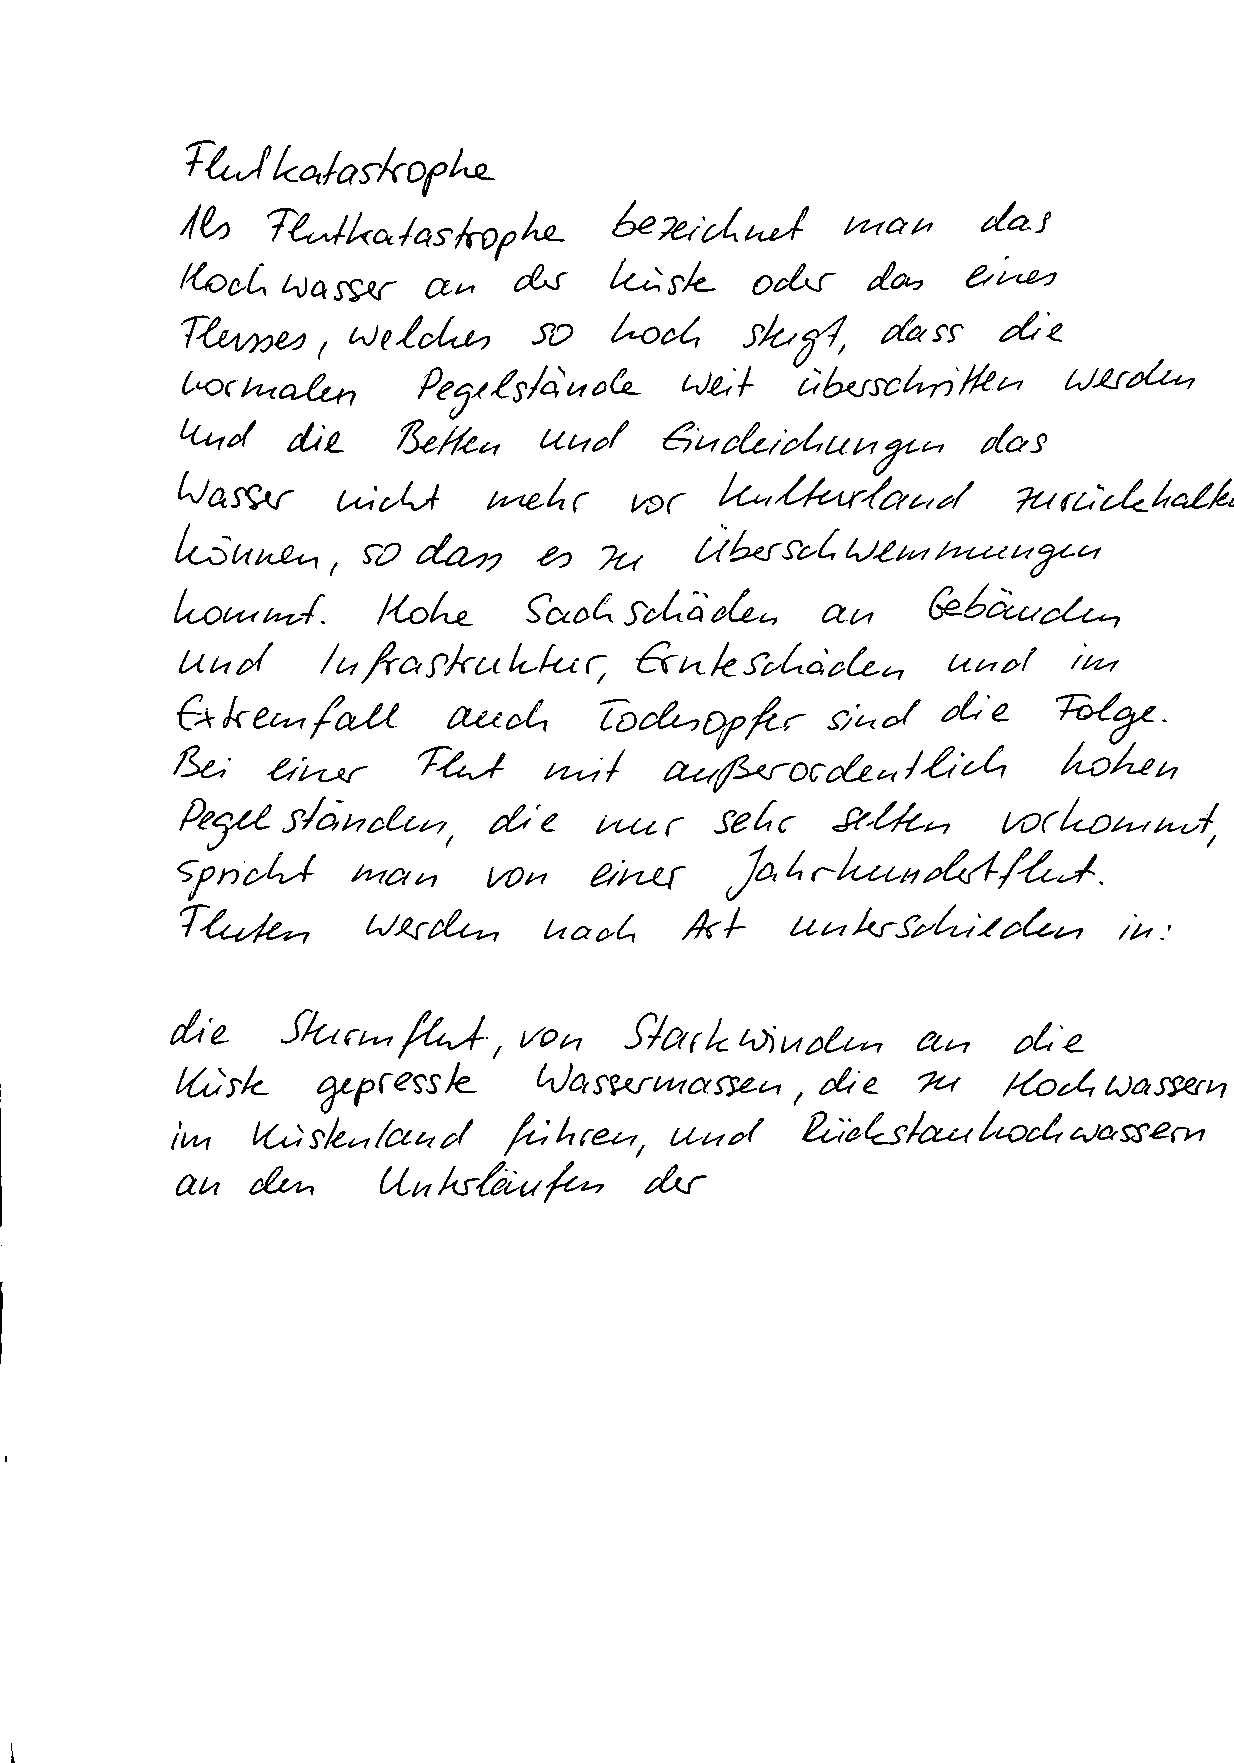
Flutkatastrophe
Als Flutkatastrophe bezeichnet man das
Hochwasser an der Küste oder das eines
Flusses, welches so hoch steigt, dass die
normalen Pegelstände weit überschritten werden
und die Betten und Eindeichungen das
Wasser nicht mehr vor Kulturland zurückhalten
können, so dass es zu Überschwemmungen
kommt. Hohe Sachschäden an Gebäuden
und Infrastruktur, Ernteschäden und im
Extremfall auch Todesopfer sind die Folge.
Bei einer Flut mit außerordentlich hohen
Pegelständen, die nur sehr selten vorkommt,
spricht man von einer Jahrhundertflut.
Fluten werden nach Art unterschieden in:
die Sturmflut, von Starkwinden an die
Küsten gepresste Wassermassen, die zu Hochwassern
im Küstenland führen, und Rückstauhochwassern
an den Unterläufen der
